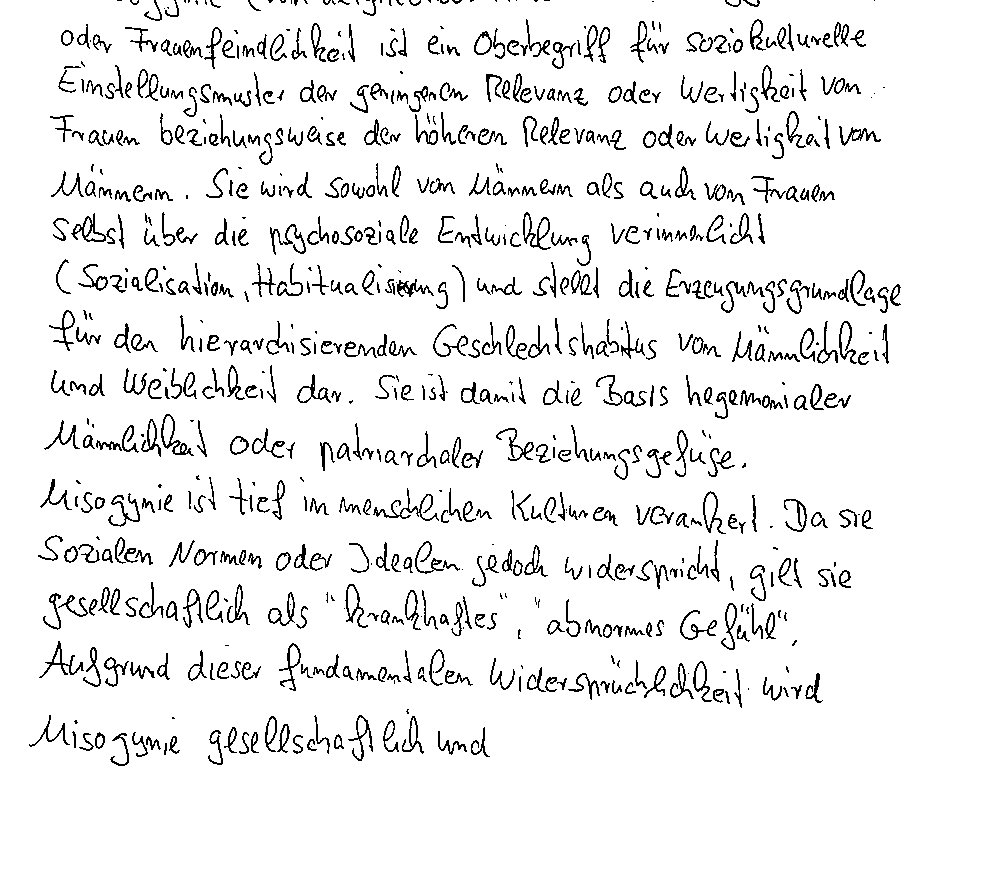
oder Frauenfeindlichkeit ist ein Oberbegriff für Soziokulturelle
Einstellungsmuster der geringeren Relevanz oder Wertigkeit von
Frauen beziehungsweise der höheren Relevanz oder Wertigkeit von
Männer. Sie wird Sowohl von Männern als auch von Frauen
Selbst über die psychosoziale Entwicklung verinnerlicht
(Sozialisation Habitualisierung) und stellt die Erzeugungsgrundlage
für den hierarchisierenden Geschlechtshabitus von Männlichkeit
und Weiblichkeit dar. Sie ist damit die Basis hegemonialer
Männlichkeit oder patriarchaler Beziehungsgefüge.
Misogynie ist tief im menschlichen Kulturen verankert Da sie
sozialen Normen oder Idealen jedoch widerspricht, gilt sie
gesellschaftlich als "krankhaftes", "abnormes Gefühl".
Aufgrund dieser fundamentalen Widersprüchlichkeit wird
Misogynie gesellschaftlich und
